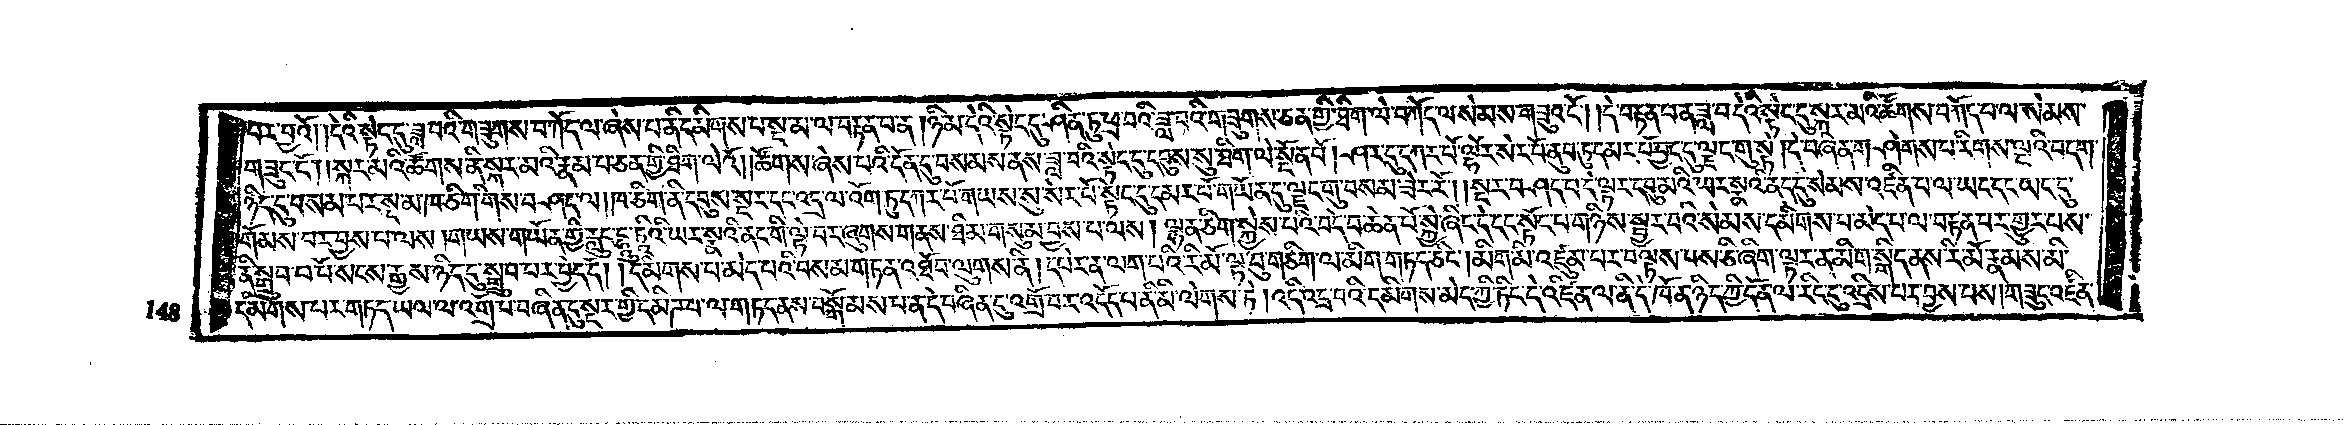པར་བྱའོ། །དེའི་སྟེང་དུ་ཟླ་བའི་གཟུགས་བཀོད་ལ་ཞེས་པ་ནི་དམིགས་པ་སྔ་མ་ལ་བརྟན་པ་ན། ཉི་མ་དེའི་སྟེང་དུ་ཤིན་ཏུ་ཕྲ་བའི་ཟླ་བའི་གཟུགས་ཅན་གྱི་ཐིག་ལེ་བཀོད་ལ་སེམས་གཟུང་ངོ། །དེ་བརྟན་པ་ན་ཟླ་བ་དེའི་སྟེང་དུ་སྐར་མའི་ཚོགས་བཀོད་པ་ལ་སེམས་
གཟུང་ངོ། །སྐར་མའི་ཚོགས་ནི་སྐར་མའི་རྣམ་པ་ཅན་གྱི་ཐིག་ལེའོ། །ཚོགས་ཞེས་པའི་དོན་དུ་བསམས་ནས་ཟླ་བའི་སྟེང་དུ་དབུས་སུ་ཐིག་ལེ་སྔོན་པོ། ཤར་དུ་དཀར་པོ་ལྷོར་སེར་པོ་ནུབ་ཏུ་དམར་པོ་བྱང་དུ་ལྗང་གུ་སྟེ། དེ་བཞིན་གཤེགས་པ་རིགས་ལྔའི་བདག་
ཉིད་དུ་བསམ་པར་སྔ་མ་ཁ་ཅིག་གིས་བཤད་ལ། ཁ་ཅིག་ནི་དབུས་སྔར་དང་འདྲ་ལ་འོག་ཏུ་དཀར་པོ་གཡས་སུ་སེར་པོ་སྟེང་དུ་དམར་པོ་གཡོན་དུ་ལྗང་གུ་བསམ་ཟེར་རོ། །སྔར་བཤད་པ་དེ་ལྟར་དབུ་མའི་ཡར་སྣའི་ནད་དུ་སེམས་འཛིན་པ་ལ་ཡང་དང་ཡང་དུ་
གོམས་པར་བྱས་པ་ལས། གཡས་གཡོན་གྱི་རླུང་དྷཱུ་ཏཱིའི་ཡར་སྣའི་ནང་གི་ལྟེ་བར་ཞུགས་གནས་ཐིམ་གསུམ་བྱས་པ་ལས། ལྷན་ཅིག་སྐྱེས་པའི་བདེ་བ་ཆེན་པོ་སྐྱེ་ཞིང་དེ་དང་སྟོང་པ་གཉིས་སྦྱར་བའི་སེམས་དམིགས་པ་མེད་པ་ལ་བརྟན་པར་གྱུར་པས་
ནི་སྒྲུབ་པ་པོ་སངས་རྒྱས་ཉིད་དུ་སྒྲུབ་པར་བྱེད་དོ། །དམིགས་པ་མེད་པའི་བསམ་གཏན་འཐོབ་ལུགས་ནི། དཔེར་ན་ལག་པའི་རི་མོ་ལྟ་བུ་གཅིག་ལ་མིག་གཏད་ཅིང་། མིག་མི་འཛུམ་པར་བལྟས་པས་ཅི་ཞིག་ལྟར་ན་མིག་སྒྲིད་ནས་རི་མོ་རྣམས་མི་
དམིགས་པར་གཏད་ཡལ་ལ་འགྲོ་བ་བཞིན་དུ་སྔར་གྱི་དམིགས་པ་ལ་གཏད་ནས་བསྒོམས་པ་ན་དེ་བཞིན་དུ་འགྲོ་བར་འདོད་པ་ནི་མི་ལེགས་ཏེ། འདི་འདྲ་བའི་དམིགས་མེད་ཀྱི་ཏིང་དེ་འཛིན་ལ་ནི་དེ་ཁོ་ན་ཉིད་ཀྱི་དོན་ལ་རིང་དུ་འདྲིས་པར་བྱས་པས། གཟུང་འཛིན་